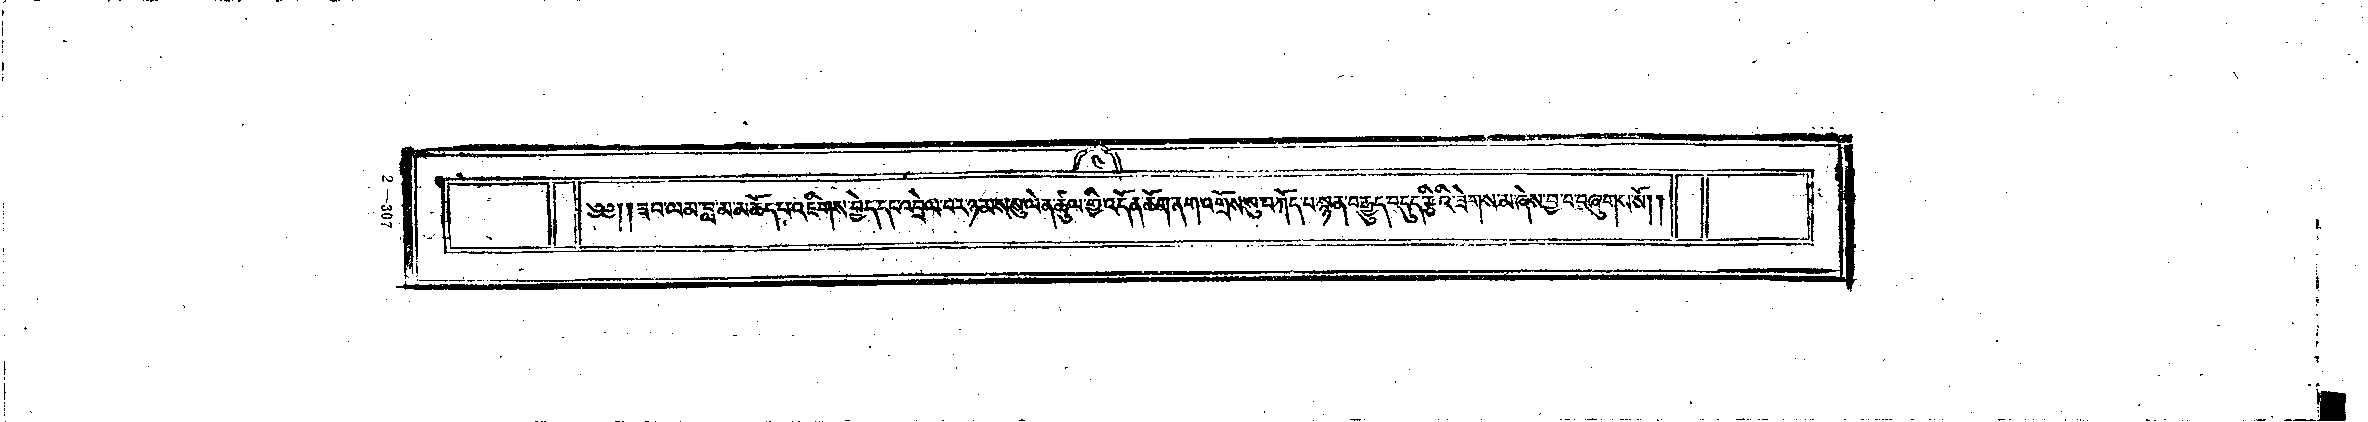༄༅། །ཟབ་ལམ་བླ་མ་མཆོད་པ་འཇིགས་བྱེད་དང་འབྲེལ་བར་ཉམས་སུ་ལེན་ཚུལ་གྱི་འདོན་ཆོག་ནག་འགྲོས་སུ་བཀོད་པ་སྙན་བརྒྱུད་བདུད་རྩིའི་ཟེགས་མ་ཞེས་བྱ་བ་བཞུགས་སོ། །